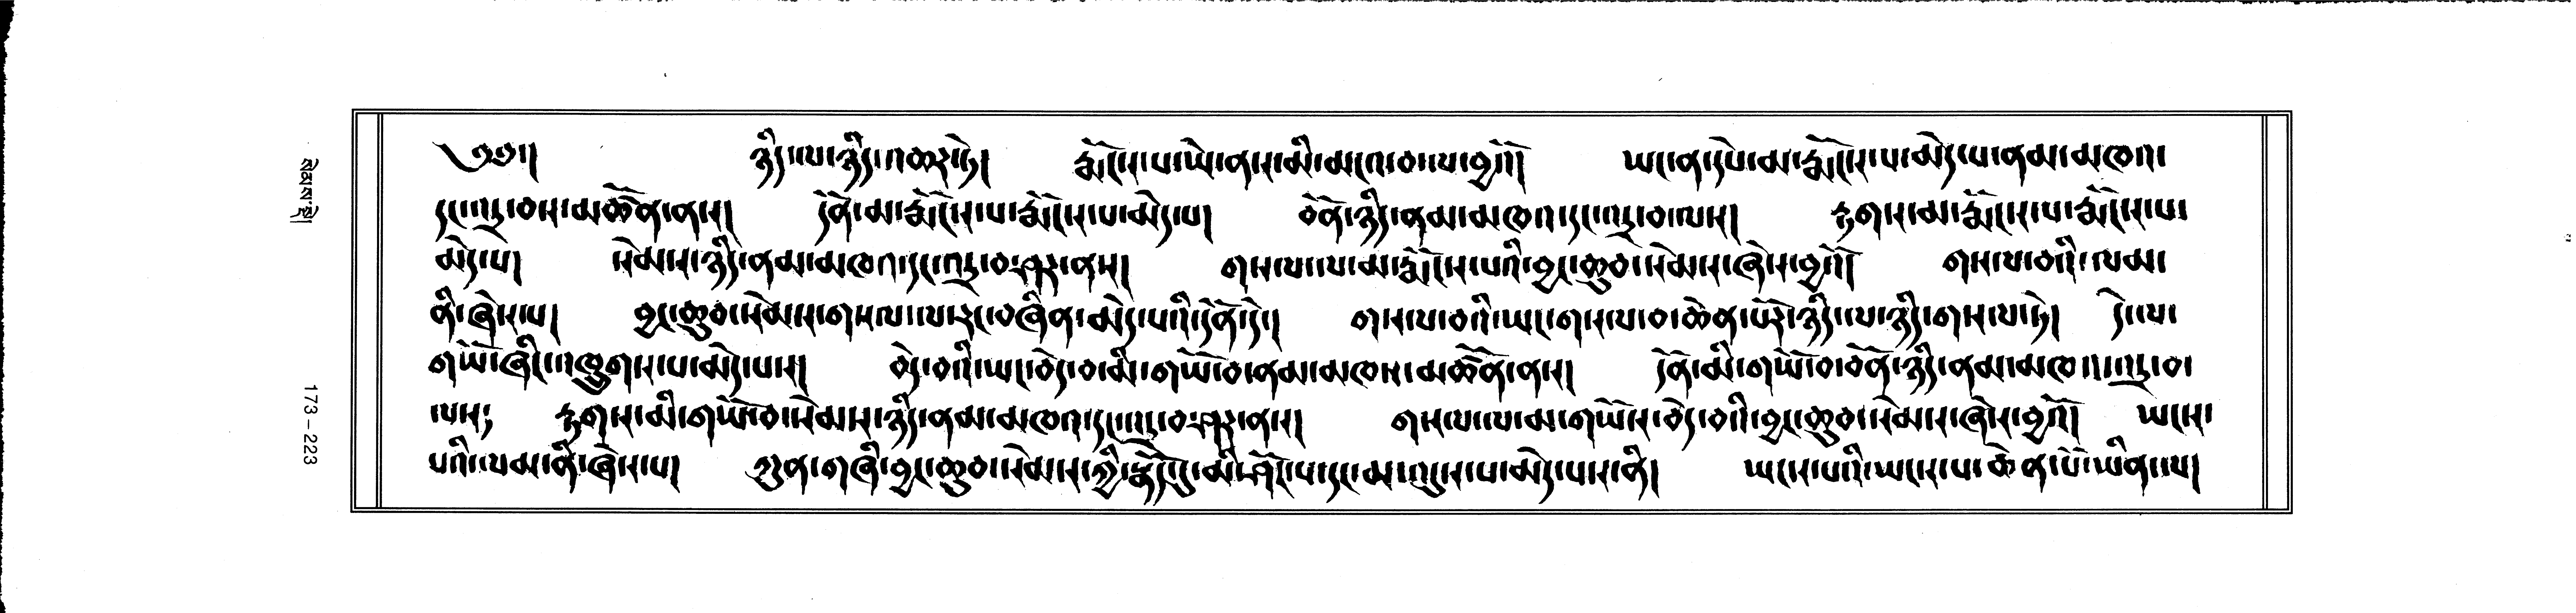ཉིད་ལ་ཉིད་ལ་འཆར་ཏེ། རྨོངས་པ་ཡེ་ནས་མི་མངའ་བ་ལ་བྱའོ། །ཡང་ན་དཔེ་རྨོངས་པ་རྨོངས་པ་མེད་པ་ནམ་མཁའ་
དང་འདྲ་བས་མཚོན་ནས། དོན་མ་རྨོངས་པ་རྨོངས་པ་མེད་པ། བོན་ཉིད་ནམ་མཁའ་དང་འདྲ་བ་ལས། རྟགས་མ་རྨོངས་པ་རྨོངས་པ་
མེད་པ། སེམས་ཉིད་ནམ་མཁའ་དང་འདྲ་བ་ཤར་ནས། གསལ་ལ་མ་རྨོངས་པའི་བྱང་ཆུབ་ཀྱི་སེམས་ཞེས་བྱའོ། གསལ་བའི་ལམ་
ནི། ཞེས་པ། བྱང་ཆུབ་སེམས་གསལ་ལ་རང་བཞིན་མེད་པའི་དོན་དེ། གསལ་བའི་ཡང་གསལ་བ་ཆེན་པོར་ཉིད་ལ་ཉིད་གསལ་ཏེ། དེ་ལ་
གཡོ་ཞིང་འཁྲུགས་པ་མེད་པས། བདེ་བའི་ཡང་བདེ་བ་མི་གཡོ་བ་ནམ་མཁས་མཚོན་ནས། དོན་མི་གཡོ་བ་བོན་ཉིད་ནམ་མཁའ་དང་འདྲ་བ་
ལས། རྟགས་མི་གཡོ་བ་སེམས་ཉིད་ནམ་མཁའ་དང་འདྲ་བ་ཤར་ནས། གསལ་ལ་མ་གཡོས་བདེ་བའི་བྱང་ཆུབ་སེམས་ཞེས་བྱའོ། །ཡངས་
པའི་ལམ་ནི་ཞེས་པ། ཀུན་གཞི་བྱང་ཆུབ་སེམས་ཀྱི་སྣོད་དུ་མི་ཤོང་བ་དང་མ་འདུས་པ་མེད་པས་ནི། ཡངས་པའི་ཡངས་པ་ཆེན་པོ་ཡིན་ལ།